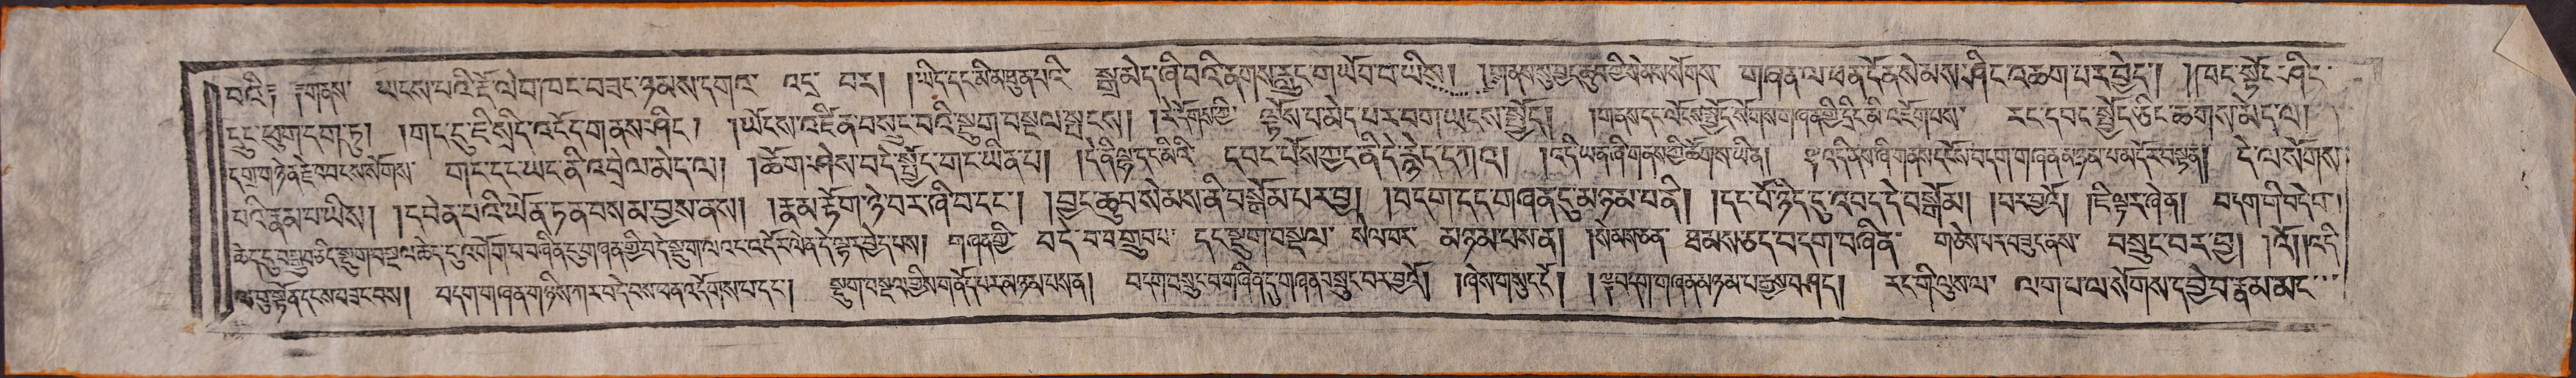བའི༑ ༑གནས་ཡངས་པའི་རྡོ་ལེབ་ཁང་བཟང་ཉམས་དགའ་འདྲ་བར། །ཡིད་དང་མི་མཐུན་པའི་སྒྲ་མེད་ཞི་བའི་ནགས་རླུང་གཡོབ་པ་ཡིས། །གནས་སུ་བྱང་ཆུབ་ཀྱི་སེམས་སོགས་གཞན་ལ་ཕན་དོན་སེམས་ཤིང་འཆག་པར་བྱེད། །ཁང་སྟོང་ཤིང་
དྲུང་ཕུག་དག་ཏུ། །གང་དུ་ཇི་སྲིད་འདོད་གནས་ཤིང་། །ཡོངས་འཛིན་བསྲུང་བའི་སྡུག་བསྔལ་སྤངས། །རེ་དགོས་ཀྱི་ལྟོས་པ་མེད་པར་བག་ཡངས་སྤྱོད། །གནས་དང་ལོངས་སྤྱོད་སོགས་གཞན་གྱི་དྲིང་མི་འཇོག་པས་རང་དབང་སྤྱོད་ཅིང་ཆགས་མེད་ལ། །
དགྲ་གཉེན་རྗེ་འབངས་སོགས་གང་དང་ཡང་ནི་འབྲེལ་མེད་ལ། །ཆོག་ཤེས་བདེ་སྤྱོད་གང་ཡིན་པ། །དེ་ནི་ལྷ་དང་མིའི་དབང་པོས་ཀྱང་ནི་དེ་རྙེད་དཀའ། །འདི་ཡང་ཞི་གནས་ཀྱི་ཚོགས་ཡིན། ༈འདི་ནས་ཞི་གནས་དངོས་བདག་གཞན་མཉམ་པ་མདོར་བསྟན།  དེ་ལ་སོགས་
པའི་རྣམ་པ་ཡིས། །དབེན་པའི་ཡོན་ཏན་བསམ་བྱས་ནས། །རྣམ་རྟོག་ཉེ་བར་ཞི་བ་དང་། །བྱང་ཆུབ་སེམས་ནི་བསྒོམ་པར་བྱ། །བདག་དང་གཞན་དུ་མཉམ་པ་ནི། །དང་པོ་ཉིད་དུ་འབད་དེ་བསྒོམ། །བར་བྱའོ། །ཇི་ལྟར་ཞེ་ན། །བདག་གི་བདེ་བ་
ཆེད་དུ་བསྒྲུབ་ཅིང་སྡུག་བསྔལ་ཆེད་དུ་འགོག་པ་བཞིན་དུ་གཞན་གྱི་བདེ་སྡུག་ལའང་འདོར་ལེན་དེ་ལྟར་བྱེད་པས། གཞན་གྱི་བདེ་བ་བསྒྲུབ་པ་དང་སྡུག་བསྔལ་སེལ་བར་མཉམ་པས་ན། །སེམས་ཅན་ཐམས་ཅད་བདག་བཞི་གཅེས་པར་བཟུང་ནས་བསྲུང་བར་བྱ། །འོ། །འདི་
ལ་བུ་སྟོན་དངས་བཟང་བས། །བདག་གཞན་གཉིས་ཀར་བདེ་བས་ཕན་འདོགས་པ་དང་། །སྡུག་བསྔལ་གྱིས་གནོད་པར་མཉམ་པས་ན། བདག་བསྲུང་བ་བཞིན་དུ་གཞན་བསྲུང་བར་བྱའོ། །ཞེས་གསུང་ངོ། །༈བདག་གཞན་མཉམ་རྒྱས་བཤད། རང་གི་ལུས་ལ་ལག་པ་ལ་སོགས་དབྱེ་བ་རྣམ་མང་